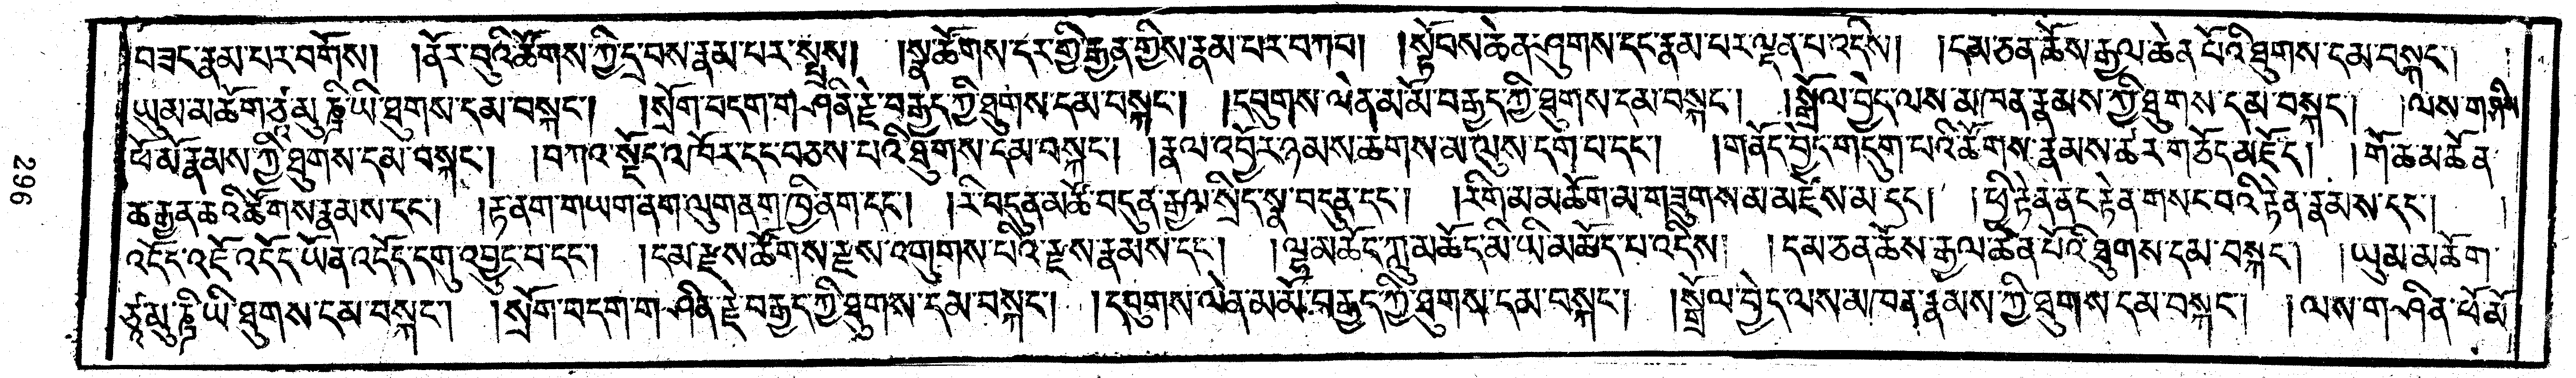བཟང་རྣམ་པར་བགོས། །ནོར་བུའི་ཚོགས་ཀྱི་དྲ་བས་རྣམ་པར་སྤྲས། །སྣ་ཚོགས་དར་གྱི་རྒྱན་གྱིས་རྣམ་པར་བཀབ། །སྟོབས་ཆེན་ཤུགས་དང་རྣམ་པར་ལྡན་པ་འདིས། །དམ་ཅན་ཆོས་རྒྱལ་ཆེན་པོའི་ཐུགས་དམ་བསྐང་། །
ཡུམ་མཆོག་ཙཱ་མུཎྜི་ཡི་ཐུགས་དམ་བསྐང་། །སྲོག་བདག་གཤིན་རྗེ་བརྒྱད་ཀྱི་ཐུགས་དམ་བསྐང་། །དབུགས་ལེན་མ་མོ་བརྒྱད་ཀྱི་ཐུགས་དམ་བསྐང་། །སྒྲོལ་བྱེད་ལས་མཁན་རྣམས་ཀྱི་ཐུགས་དམ་བསྐང་། །ལས་གཤིས་
ཕོ་མོ་རྣམས་ཀྱི་ཐུགས་དམ་བསྐང་། །བཀའ་སྡོད་འཁོར་དང་བཅས་པའི་ཐུགས་དམ་བསྐང་། །རྣལ་འབྱོར་ཉམས་ཆགས་མ་ལུས་དག་པ་དང་། །གནོད་བྱེད་གདུག་པའི་ཚོགས་རྣམས་ཚར་གཅོད་མཛོད། །གོ་ཆ་མཆོན་
ཆ་རྒྱན་ཆའི་ཚོགས་རྣམས་དང་། །རྟ་ནག་གཡག་ནག་ལུག་ནག་ཁྱི་ནག་དང་། །རི་བདུན་མཚོ་བདུན་རྒྱལ་སྲིད་སྣ་བདུན་དང་། །རིག་མ་མཆོག་མ་གཟུགས་མ་མཛེས་མ་དང་། །ཕྱི་རྟེན་ནང་རྟེན་གསང་བའི་རྟེན་རྣམས་དང་། །
འདོད་འཇོ་འདོད་ཡོན་འདོད་དགུ་འབྱུང་བ་དང་། །དམ་རྫས་ཚོགས་རྫས་འགུགས་པའི་རྫས་རྣམས་དང་། །ལྷ་མཆོད་ཀླུ་མཆོད་མི་ཡི་མཆོད་པ་འདིས། །དམ་ཅན་ཆོས་རྒྱལ་ཆེན་པོའི་ཐུགས་དམ་བསྐང་། །ཡུམ་མཆོག་
ཙཱ་མུ་ཎྜི་ཡི་ཐུགས་དམ་བསྐང་། །སྲོག་བདག་གཤིན་རྗེ་བརྒྱད་ཀྱི་ཐུགས་དམ་བསྐང་། །དབུགས་ལེན་མ་མོ་བརྒྱད་ཀྱི་ཐུགས་དམ་བསྐང་། །སྒྲོལ་བྱེད་ལས་མཁན་རམས་ཀྱི་ཐུགས་དམ་བསྐང་། །ལས་གཤིན་ཕོ་མོ་